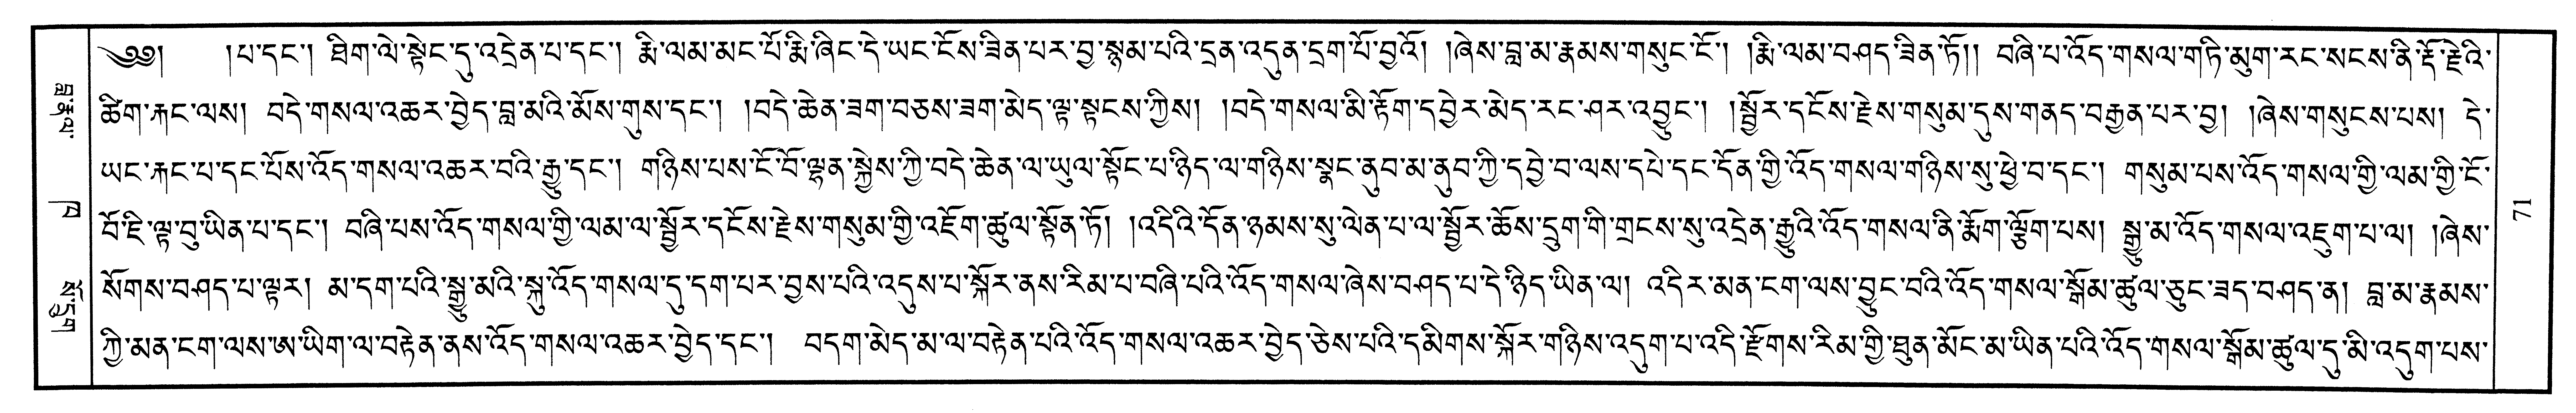༄༅། །པ་དང་། ཐིག་ལེ་སྟེང་དུ་འདྲེན་པ་དང་། རྨི་ལམ་མང་པོ་རྨི་ཞིང་དེ་ཡང་ངོས་ཟིན་པར་བྱ་སྙམ་པའི་དྲན་འདུན་དྲག་པོ་བྱའོ། །ཞེས་བླ་མ་རྣམས་གསུང་ངོ། །རྨི་ལམ་བཤད་ཟིན་ཏོ།། བཞི་པ་འོད་གསལ་གཏི་མུག་རང་སངས་ནི་རྡོ་རྗེའི་
ཚིག་རྐང་ལས། བདེ་གསལ་འཆར་བྱེད་བླ་མའི་མོས་གུས་དང་། །བདེ་ཆེན་ཟག་བཅས་ཟག་མེད་ལྟ་སྟངས་ཀྱིས། །བདེ་གསལ་མི་རྟོག་དབྱེར་མེད་རང་ཤར་འབྱུང་། །སྦྱོར་དངོས་རྗེས་གསུམ་དུས་གནད་བརྒྱན་པར་བྱ། །ཞེས་གསུངས་པས། དེ་
ཡང་རྐང་པ་དང་པོས་འོད་གསལ་འཆར་བའི་རྒྱུ་དང་། གཉིས་པས་ངོ་བོ་ལྷན་སྐྱེས་ཀྱི་བདེ་ཆེན་ལ་ཡུལ་སྟོང་པ་ཉིད་ལ་གཉིས་སྣང་ནུབ་མ་ནུབ་ཀྱི་དབྱེ་བ་ལས་དཔེ་དང་དོན་གྱི་འོད་གསལ་གཉིས་སུ་ཕྱེ་བ་དང་། གསུམ་པས་འོད་གསལ་གྱི་ལམ་གྱི་ངོ་
བོ་ཇི་ལྟ་བུ་ཡིན་པ་དང་། བཞི་པས་འོད་གསལ་གྱི་ལམ་ལ་སྦྱོར་དངོས་རྗེས་གསུམ་གྱི་འཇོག་ཚུལ་སྟོན་ཏོ། །འདིའི་དོན་ཉམས་སུ་ལེན་པ་ལ་སྦྱོར་ཆོས་དྲུག་གི་གྲངས་སུ་འདྲེན་རྒྱུའི་འོད་གསལ་ནི་རྨོག་ལྕོག་པས། སྒྱུ་མ་འོད་གསལ་འཇུག་པ་ལ། །ཞེས་
སོགས་བཤད་པ་ལྟར། མ་དག་པའི་སྒྱུ་མའི་སྐུ་འོད་གསལ་དུ་དག་པར་བྱས་པའི་འདུས་པ་སྐོར་ནས་རིམ་པ་བཞི་པའི་འོད་གསལ་ཞེས་བཤད་པ་དེ་ཉིད་ཡིན་ལ། འདིར་མན་ངག་ལས་བྱུང་བའི་འོད་གསལ་སྒོམ་ཚུལ་ཅུང་ཟད་བཤད་ན། བླ་མ་རྣམས་
ཀྱི་མན་ངག་ལས་ཨ་ཡིག་ལ་བརྟེན་ནས་འོད་གསལ་འཆར་བྱེད་དང་། བདག་མེད་མ་ལ་བརྟེན་པའི་འོད་གསལ་འཆར་བྱེད་ཅེས་པའི་དམིགས་སྐོར་གཉིས་འདུག་པ་འདི་རྫོགས་རིམ་གྱི་ཐུན་མོང་མ་ཡིན་པའི་འོད་གསལ་སྒོམ་ཚུལ་དུ་མི་འདུག་པས་